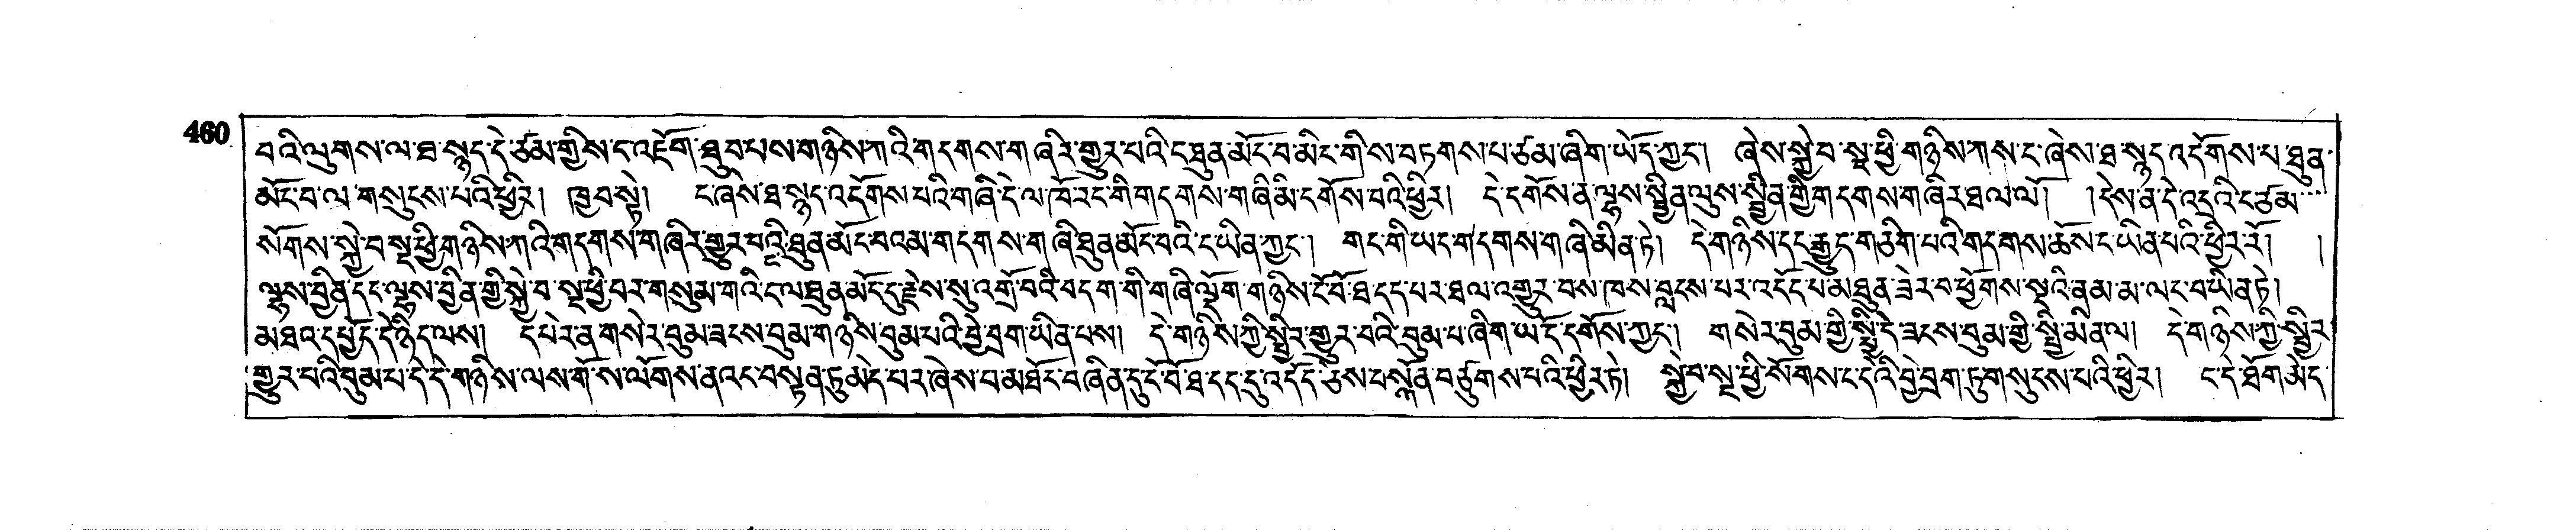བའི་ལུགས་ལ་ཐ་སྙད་དེ་ཙམ་གྱིས་ང་འཇོག་ཐུབ་པས་གཉིས་ཀའི་གདགས་གཞིར་གྱུར་པའི་ང་ཐུན་མོང་བ་མིང་གིས་བཏགས་པ་ཙམ་ཞིག་ཡོད་ཀྱང་། ཞེས་སྐྱེ་བ་སྔ་ཕྱི་གཉིས་ཀས་ང་ཞེས་ཐ་སྙད་འདོགས་པ་ཐུན་
མོང་བ་ལ་གསུངས་པའི་ཕྱིར། ཁྱབ་སྟེ། ང་ཞེས་ཐ་སྙད་འདོགས་པའི་གཞི་དེ་ལ་ཁོ་རང་གི་གདགས་གཞི་མི་དགོས་པའི་ཕྱིར། དེ་དགོས་ན་ལྷས་སྦྱིན་ལུས་སྦྱིན་གྱི་གདགས་གཞིར་ཐལ་ལོ། །དེས་ན་དེ་འདྲའི་ང་ཙམ་
སོགས་སྐྱེ་བ་སྔ་ཕྱི་གཉིས་ཀའི་གདགས་གཞིར་གྱུར་པའི་ང་ཐུན་མོང་བའམ་གདགས་གཞི་ཐུན་མོང་བའི་ང་ཡིན་ཀྱང་། གང་གི་ཡང་གདགས་གཞི་མིན་ཏེ། དེ་གཉིས་དང་རྒྱུད་གཅིག་པའི་གདགས་ཆོས་ང་ཡིན་པའི་ཕྱིར་རོ། །
ལྷས་བྱིན་དང་ལྷས་བྱིན་གྱི་སྐྱེ་བ་སྔ་ཕྱི་བར་གསུམ་གའི་ང་ལ་ཐུན་མོང་དུ་རྗེས་སུ་འགྲོ་བའི་བདག་གི་གཞི་ལྡོག་གཉིས་ངོ་བོ་ཐ་དད་པར་ཐལ་འགྱུར་བས་ཁས་བླངས་པར་འདོད་པ་མཐུན་ཟེར་བ་ཕྱོགས་སྔའི་ནམ་མ་ལང་བ་ཡིན་ཏེ།
མཐའ་དཔྱོད་དེ་ཉིད་ལས། དཔེར་ན་གསེར་བུམ་ཟངས་བུམ་གཉིས་བུམ་པའི་བྱེ་བྲག་ཡིན་པས། དེ་གཉིས་ཀྱི་སྤྱིར་གྱུར་བའི་བུམ་པ་ཞིག་ཡོད་དགོས་ཀྱང་། གསེར་བུམ་གྱི་སྤྱི་དེ་ཟངས་བུམ་གྱི་སྤྱི་མིན་ལ། དེ་གཉིས་ཀྱི་སྤྱིར་
གྱུར་པའི་བུམ་པ་དེ་དེ་གཉིས་ལས་གོ་ས་ལོགས་ནའང་བསྟན་ཏུ་མེད་པར་ཞེས་པ་མཐོང་བཞིན་དུ་ངོ་བོ་ཐ་དད་དུ་འདོད་ཅེས་བསྙོན་བཙུགས་པའི་ཕྱིར་ཏེ། སྐྱེ་བ་སྔ་ཕྱི་སོགས་ང་དེའི་བྱེ་བྲག་ཏུ་གསུངས་པའི་ཕྱིར། ང་དེ་ཐོག་མེད་